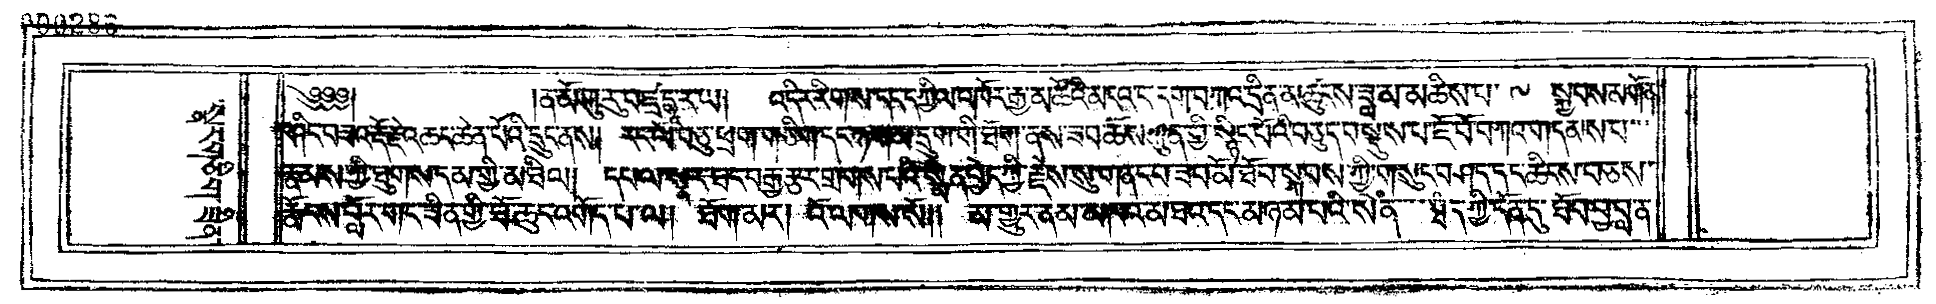༄༅༅། །ན་མོ་གུ་རུ་བཛྲ་དྷཱ་ར་ཡ། འདིར་རིགས་དང་དཀྱིལ་འཁོར་རྒྱ་མཚོའི་མངའ་བདག་བཀའ་དྲིན་མཚུངས་ཟླ་མ་མཆིས་པ་༧་སྐྱབས་མགོན་
ཤིང་བཟའ་རྡོ་རྗེ་འཆང་ཆེན་པོའི་དྲུང་ནས། རང་ལོ་བཅུ་ཕྲག་གཅིག་དང་ཉག་མ་དྲུག་གི་ཐོག་ནས་ཟབ་ཆོས་ཀུན་གྱི་སྙིང་པོའི་བཅུད་བསྡུས་པ་ཇོ་བོ་བཀའ་གདམས་པ་
རྣམས་ཀྱི་ཐུགས་དམ་གྱི་མཐིལ། དཔལ་སྣར་ཐང་བརྒྱ་རྩར་གྲགས་པའི་སྨིན་བྱེད་ཀྱི་རྗེས་སུ་གནང་བ་ཟབ་མོ་ཐོབ་སྐབས་ཀྱི་གསུང་བཤད་དང་ཆིངས་བཅས་
རྨོངས་བློར་གང་ཟིན་གྱི་ཐོ་ཆུང་འགོད་པ་ལ། ཐོག་མར། འོ་ལགས་སོ། །མ་གྱུར་ནམ་མཁའ་མཐའ་དང་མཉམ་པའི་སེམས་ཅན་ཐམས་ཅད་ཀྱི་དོན་དུ་ཐོབ་བྱ་བླ་ན་